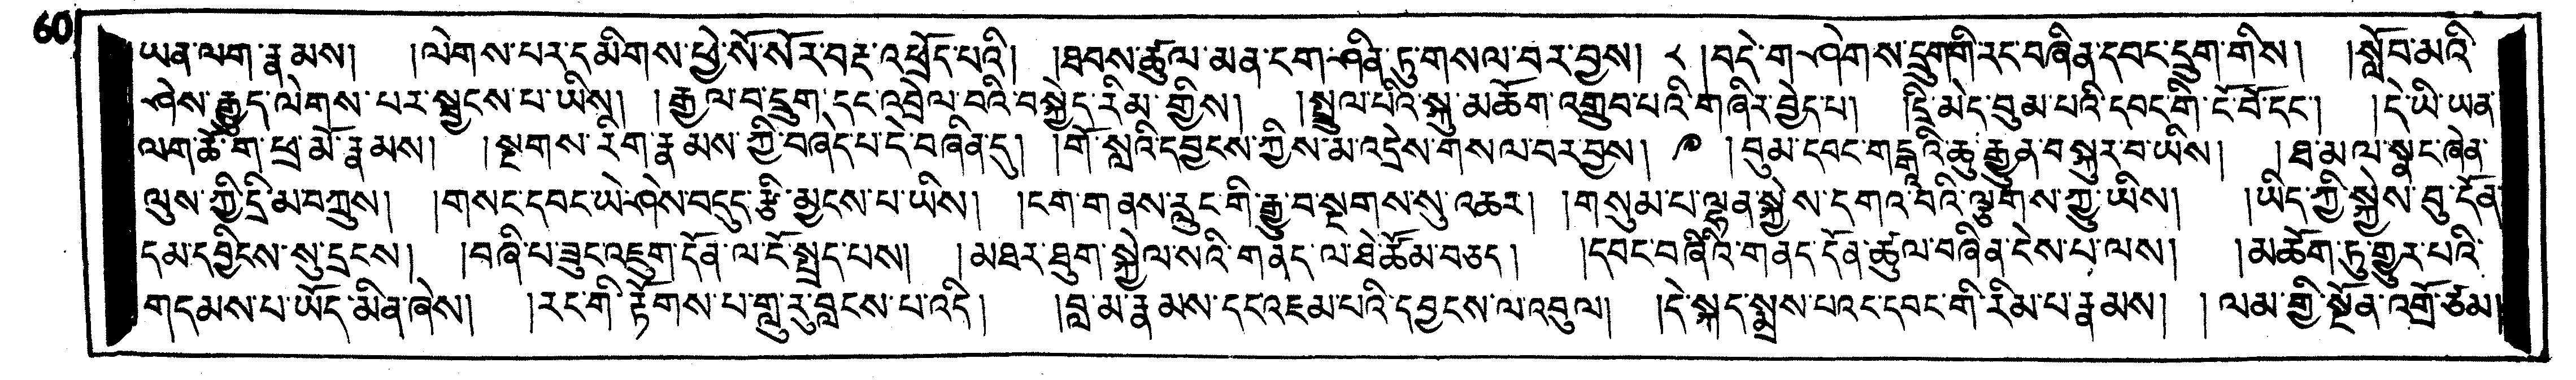ཡན་ལག་རྣམས། །ལེགས་པར་དམིགས་ཕྱེ་སོ་སོར་བརྡ་འཕྲོད་པའི། །ཐབས་ཚུལ་མན་ངག་ཤིན་ཏུ་གསལ་བར་བྱས། ༨་།བདེ་གཤེགས་དྲུག་གི་རང་བཞིན་དབང་དྲུག་གིས། །སློབ་མའི་
ཤེས་རྒྱུད་ལེགས་པར་སྦྱངས་པ་ཡིས། །རྒྱལ་བ་དྲུག་དང་འབྲེལ་བའི་བསྐྱེད་རིམ་གྱིས། །སྤྲུལ་པའི་སྐུ་མཆོག་འགྲུབ་པའི་གཞིར་བྱེད་པ། །དྲི་མེད་བུམ་པའི་དབང་གི་ངོ་བོ་དང་། །དེ་ཡི་ཡན་
ལག་ཆོ་ག་ཕྲ་མོ་རྣམས། །སྔགས་རིག་རྣམས་ཀྱི་བཞེད་པ་དེ་བཞིན་དུ། །གོ་སླའི་དབྱངས་ཀྱིས་མ་འདྲེས་གསལ་བར་བྱས། ༩་།བུམ་དབང་གངྒཱའི་ཆུ་རྒྱུན་བསྐུར་བ་ཡིས། །ཐ་མལ་སྣང་ཞེན་
ལུས་ཀྱི་དྲི་མ་བཀྲུས། །གསང་དབང་ཡེ་ཤེས་བདུད་རྩི་མྱངས་པ་ཡིས། །ངག་གནས་རླུང་གི་རྒྱུ་བ་སྔགས་སུ་འཆར། །གསུམ་པ་ལྷན་སྐྱེས་དགའ་བའི་ལྕགས་ཀྱུ་ཡིས། །ཡིད་ཀྱི་སྐྱེས་བུ་དོན་
དམ་དབྱིངས་སུ་དྲངས། །བཞི་པ་ཟུང་འཇུག་དོན་ལ་ངོ་སྤྲད་པས། །མཐར་ཐུག་སྐྱེལ་སའི་གནད་ལ་ཐེ་ཚོམ་བཅད། །དབང་བཞིའི་གནད་དོན་ཚུལ་བཞིན་ངེས་པ་ལས། །མཆོག་ཏུ་གྱུར་པའི་
གདམས་པ་ཡོད་མིན་ཞེས། །རང་གི་རྟོགས་པ་གླུ་རུ་བླངས་པ་འདི། །བླ་མ་རྣམས་དང་འཇམ་པའི་དབྱངས་ལ་འབུལ། །དེ་སྐད་སྨྲས་པའང་དབང་གི་རིམ་པ་རྣམས། །ལམ་གྱི་སྔོན་འགྲོ་ཙམ།